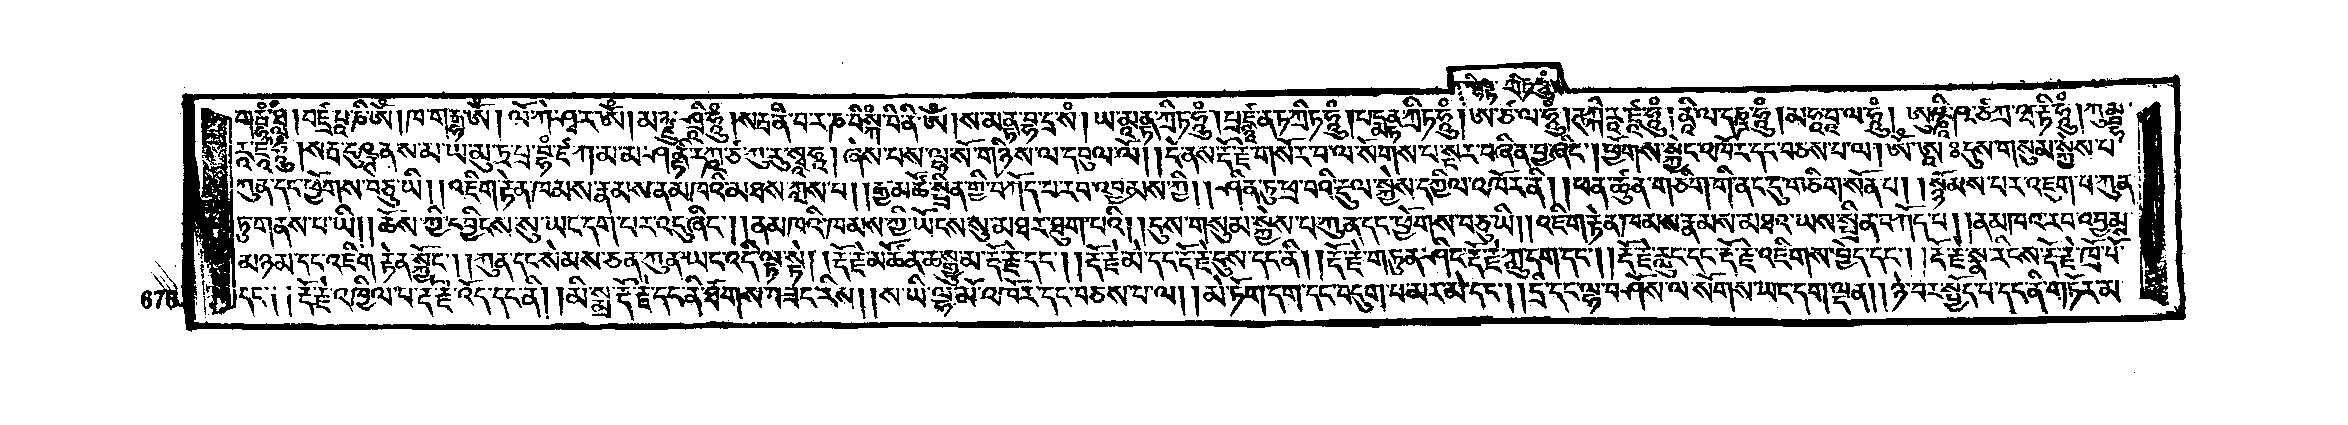གརྦྷ་ཐིལ། བཛྲ་པཱ་ཎི་ཨོཾ། ཁ་གརྦྷ་ཨོཾ། ལོ་ཀེ་ཤྭ་ར་ཨོཾ། མཉྫུ་ཤྲཱི་ཧཱུཾ། སརྦ་ནི་བ་ར་ཎ་བི་སྐཾ་བི་ནི་ཨོཾ། ས་མནྟ་བཧ་དྲ་སཾ། ཡ་མཱནྟ་ཀྲི་ཏ་ཧཱུཾ། པྲཛྙཱ་ན་ཏ་ཀྲི་ཏ་ཧཱུཾ། བེགྷྣཱནྟ་ཀྲིཏ་ཧཱུཾ། ཨ་ཙ་ལ་ཧཱུཾ། ཊཀིཀ་རཱ་ཛཱ་ཧཱུཾ། ནཱི་ལ་དྞྜ་ཧཱུཾ་མཧཱ་བཱ་ལ་ཧཱུཾ་ཨུཥིནཱ་ཙྐྲ་ཝ་རྟི་ཧཱུཾ། ཀུམྦྷ་
རཱ་ཛཱ་ཧཱུཾ། སརྦ་དུ་ཥྚན་ས་མ་མུ་ཏྲ་པྲ་བྷཾ་ཛ་ཀ་མ་མ་ཤྣིཏ་རཀྵཱ་སྭཱ་ཧཱ། ཞེས་པས་ལྷ་སོ་གཉིས་ལ་དབུལ་ལོ། །དེ་ནས་རྡོ་རྗེ་གསོར་བ་ལ་སོགས་པ་སྔར་བཞིན་བྱ་ཞིང་། ཕྱོགས་སྐྱོང་འཁོར་དང་བཅས་པ་ལ། ཨོཾ་ཨཱཿ དུས་གསུམ་སྐྱེས་པ་
ཀུན་དང་ཕྱོགས་བཅུ་ཡི། །འཇིག་རྟེན་ཁམས་རྣམས་ནམ་མཁའི་མཐས་ཀླས། པ། །རྒྱ་མཚོ་སྤྲིན་གྱི་བཀོད་པ་རབ་འབྱམས་ཀྱི། །ཤིན་ཏུ་ཕྲ་བའི་རྡུལ་སྐྱེས་དཀྱིལ་འཁོར་ནི། །ཕན་ཚུན་གཅིག་གི་ནང་དུ་གཅིག་སོན་པ། །སྙོམས་པར་འཇུག་པ་ཀུན་
ཏུ་གནས་པ་ཡི། །ཆོས་ཀྱི་དབྱིངས་སུ་ཡང་དག་པར་འདུ་ཞིང་། །ནམ་མཁའི་ཁམས་ཀྱི་ཡོངས་སུ་མཐར་ཐུག་པའི། །དུས་གསུམ་སྐྱེས་པ་ཀུན་དང་ཕྱོགས་བཅུ་ཡི། །འཇིག་རྟེན་ཁམས་རྣམ་མཐའ་ཡས་སྤྲིན་བཀོད་པ། །ནམ་མཁའ་རབ་འབྱམས་
མཉམ་དང་འཇིག་རྟེན་སྐྱོང་། །ཀུན་དང་སེམས་ཅན་ཀུན་ཡང་འདི་ལྟ་སྟེ། །རྡོ་རྗེ་མཚོན་ཆ་སྒྱུ་མ་རྡོ་རྗེ་དང་། །རྡོ་རྗེ་མེ་དང་རྡོ་རྗེ་དུས་དང་ནི། །རྡོ་རྗེ་གཏུན་ཤིང་རྡོ་རྗེ་ཀླུ་དག་དང་། །རྡོ་རྗེ་རླུང་དང་རྡོ་རྗེ་འཇིགས་བྱེད་དང་། །རྡོ་རྗེ་སྣ་རིངས་རྡོ་རྗེ་ཁྲོ་བོ་
དང༑ ༑རྡོ་རྗེ་འཁྱིལ་པ་རྡོ་རྗེ་འོད་དང་ནི། །མི་སྨྲ་རྡོ་རྗེ་དང་ནི་ཐགས་བཟང་རིས། །ས་ཡི་ལྷ་མོ་འཁོར་དང་བཅས་པ་ལ། །མེ་ཏོག་དག་དང་བདུག་པ་མར་མེ་དང་། །དྲི་དང་ལྷ་ཤོས་ལ་སོགས་ཡང་དག་ལྡན། །ཉེ་བར་སྤྱོད་པ་དང་ནི་གཏོར་མ་